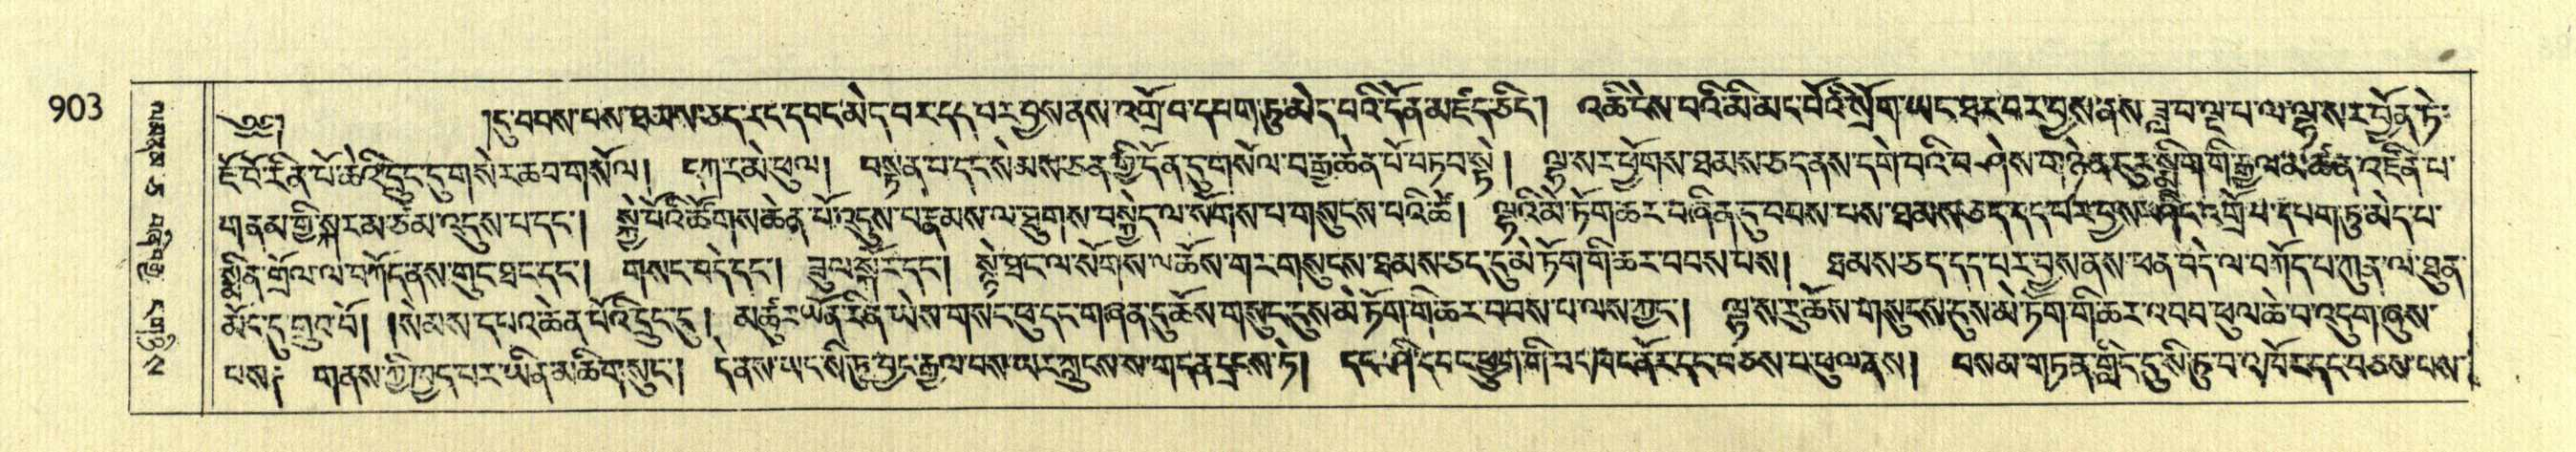༄༅། །དུ་བབས་པས་ཐམས་ཅད་རང་དབང་མེད་བར་དད་བར་བྱས་ནས་འགྲོ་བ་དཔག་ཏུ་མེད་པའི་དོན་མཛད་ཅིང་། འཆི་ངེས་བའི་མི་མང་པོའི་སྲོག་ཡང་ཐར་བར་བྱས་ནས་ཟླ་བ་ལྔ་པ་ལ་ལྷ་སར་བྱོན་ཏེ་
ཇོ་བོ་རིན་པོ་ཆེའི་དྲུང་དུ་གསེར་ཆབ་གསོལ། དཀར་མེ་ཕུལ། བསྟན་པ་དང་སེམས་ཅན་གྱི་དོན་དུ་གསོལ་བ་རྒྱ་ཆེན་པོ་བཏབ་སྟེ། ལྷ་སར་ཕྱོགས་ཐམས་ཅད་ནས་དགེ་བའི་བཤེས་གཉེན་དུར་སྨྲིག་གི་རྒྱལ་མཚན་འཛིན་པ་
གནམ་གྱི་སྐར་མ་ཙམ་འདུས་པ་དང་། སྐྱེ་པོའི་ཚོགས་ཆེན་པོ་འདུས་པ་རྣམས་ལ་ཐུགས་བསྐྱེད་ལ་སོགས་པ་གསུངས་པའི་ཚེ། ལྷའི་མེ་ཏོག་ཆར་བཞིན་དུ་བབས་པས་ཐམས་ཅད་དད་པར་བྱས་ཤིང་འགྲོ་པ་དཔག་ཏུ་མེད་པ་
སྨིན་གྲོལ་ལ་བཀོད་ནས་གུང་ཐང་དང་། གསང་བདེ་དང་། ཟུལ་སྐོར་དང་། སྙེ་ཐང་ལ་སོགས་ལ་ཆོས་གར་གསུངས་ཐམས་ཅད་དུ་མེ་ཏོག་གི་ཆར་བབས་པས། ཐམས་ཅད་དད་པར་བྱས་ནས་ཕན་བདེ་ལ་བཀོད་པ་ཀུན་ལ་ཐུན་
མོང་དུ་གྲུབ་བོ། །སེམས་དཔའ་ཆེན་པོའི་དྲུང་དུ། མཚུར་ཡོན་རིན་ཡེས་གསང་ཕུ་དང་གཞན་དུ་ཆོས་གསུང་དུས་མེ་ཏོག་གི་ཆར་བབས་པ་ལས་ཀྱང་། ལྷ་ས་རུ་ཆོས་གསུངས་དུས་མེ་ཏོག་གི་ཆར་འབབ་ཕུལ་ཆེ་བ་འདུག་ཞུས་
པས༑ གནས་ཀྱི་ཁྱད་པར་ཡིན་མཆི་གསུང་། དེ་ནས་ཡང་སི་ཏུ་བྱང་རྒྱལ་བས་ཡར་ཀླུངས་ས་གདན་དྲངས་ཏེ། དང་ཤི་དབང་ཕྱུག་གི་བང་ཁང་ནོར་དང་བཅས་པ་ཕུལ་ནས། བསམ་གཏན་གླིང་དུ་སི་ཏུ་བ་འཁོར་དང་བཅས་པས་